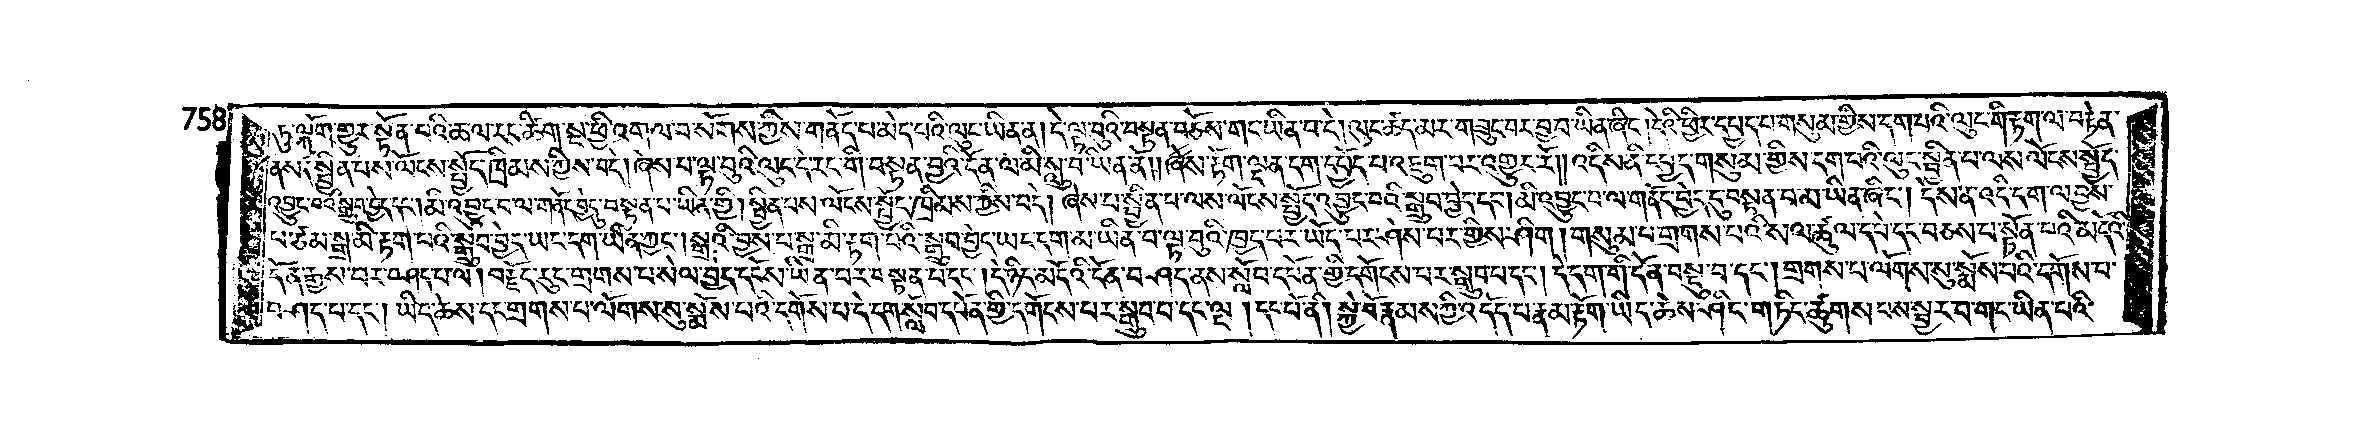ཏུ་ལྐོག་གྱུར་སྟོན་པའི་ཆ་ལ་རང་ཚིག་སྔ་ཕྱི་འགལ་བ་སོགས་ཀྱིས་གནོད་པ་མེད་པའི་ལུང་ཡིན་ན། དེ་ལྟ་བུའི་བསྟན་བཅོས་གང་ཡིན་པ་དེ། ལུང་ཚད་མར་གཟུང་བར་བྱ་བ་ཡིན་ཞིང་། དེའི་ཕྱིར་དཔྱད་པ་གསུམ་གྱིས་དག་པའི་ལུང་གི་རྟགས་ལ་བརྟེན་
ནས། སྦྱིན་པས་ལོངས་སྤྱོད་ཁྲིམས་ཀྱིས་བདེ། ཞེས་པ་ལྟ་བུའི་ལུང་དེ་རང་གི་བསྟན་བྱའི་དོན་ལ་མི་སླུ་བ་ཡིན་ནོ། །ཞེས་རྟོག་ལྡན་དག་དཔྱོད་པ་འཇུག་པར་འགྱུར་རོ། །འདིས་ནི་དཔྱད་གསུམ་གྱིས་དག་པའི་ལུང་སྦྱིན་པ་ལས་ལོངས་སྤྱོད་
འབྱུང་བའི་སྒྲུབ་བྱེད་དང་། མི་འབྱུང་བ་ལ་གནོད་བྱེད་དུ་བསྟན་པ་ཡིན་གྱི། སྦྱིན་པས་ལོངས་སྤྱོད་ཁྲིམས་ཀྱིས་བདེ། ཞེས་པ་སྦྱིན་པ་ལས་ལོངས་སྤྱོད་འབྱུང་བའི་སྒྲུབ་བྱེད་དང་། མི་འབྱུང་བ་ལ་གནོད་བྱེད་དུ་བསྟན་པ་མ་ཡིན་ཞིང་། དེས་ན་འདི་དག་ལ་བྱས་
པ་ཙམ་སྒྲ་མི་རྟག་པའི་སྒྲུབ་བྱེད་ཡང་དག་ཡིན་ཀྱང་། སྒྲའི་བྱས་པ་སྒྲ་མི་རྟག་པའི་སྒྲུབ་བྱེད་ཡང་དག་མ་ཡིན་པ་ལྟ་བུའི་ཁྱད་པར་ཡོད་པར་ཤེས་པར་གྱིས་ཤིག། གསུམ་པ་གྲགས་པའི་སེལ་ཚུལ་དཔེ་དང་བཅས་པ་སྟོན་པའི་མདོའི་
དོན་རྒྱས་པར་བཤད་པ་ལ། བརྗོད་རུང་གྲགས་པ་སེལ་བྱེད་དངོས་ཡིན་པར་བསྟན་པ་དང་། དེ་ཉིད་མདོའི་དོན་བཤད་ནས་སློབ་དཔོན་གྱི་དགོངས་པར་སྒྲུབ་པ་དང་། དེ་དག་གི་དོན་བསྡུ་བ་དང་། གྲགས་པ་ལོགས་སུ་སྨོས་པའི་དགོས་པ་
བཤད་པ་དང་། ཡིད་ཆེས་དང་གྲགས་པ་ལོགས་སུ་སྨོས་པའི་དགོས་པ་དེ་དག་སློབ་དཔོན་གྱི་དགོངས་པར་སྒྲུབ་པ་དང་ལྔ། དང་པོ་ནི། སྐྱེ་བོ་རྣམས་ཀྱི་འདོད་པ་རྣམ་རྟོག་ཡིད་ཆེས་ཤིང་གཏིང་ཚུགས་པས་སྦྱར་བ་གང་ཡིན་པའི་